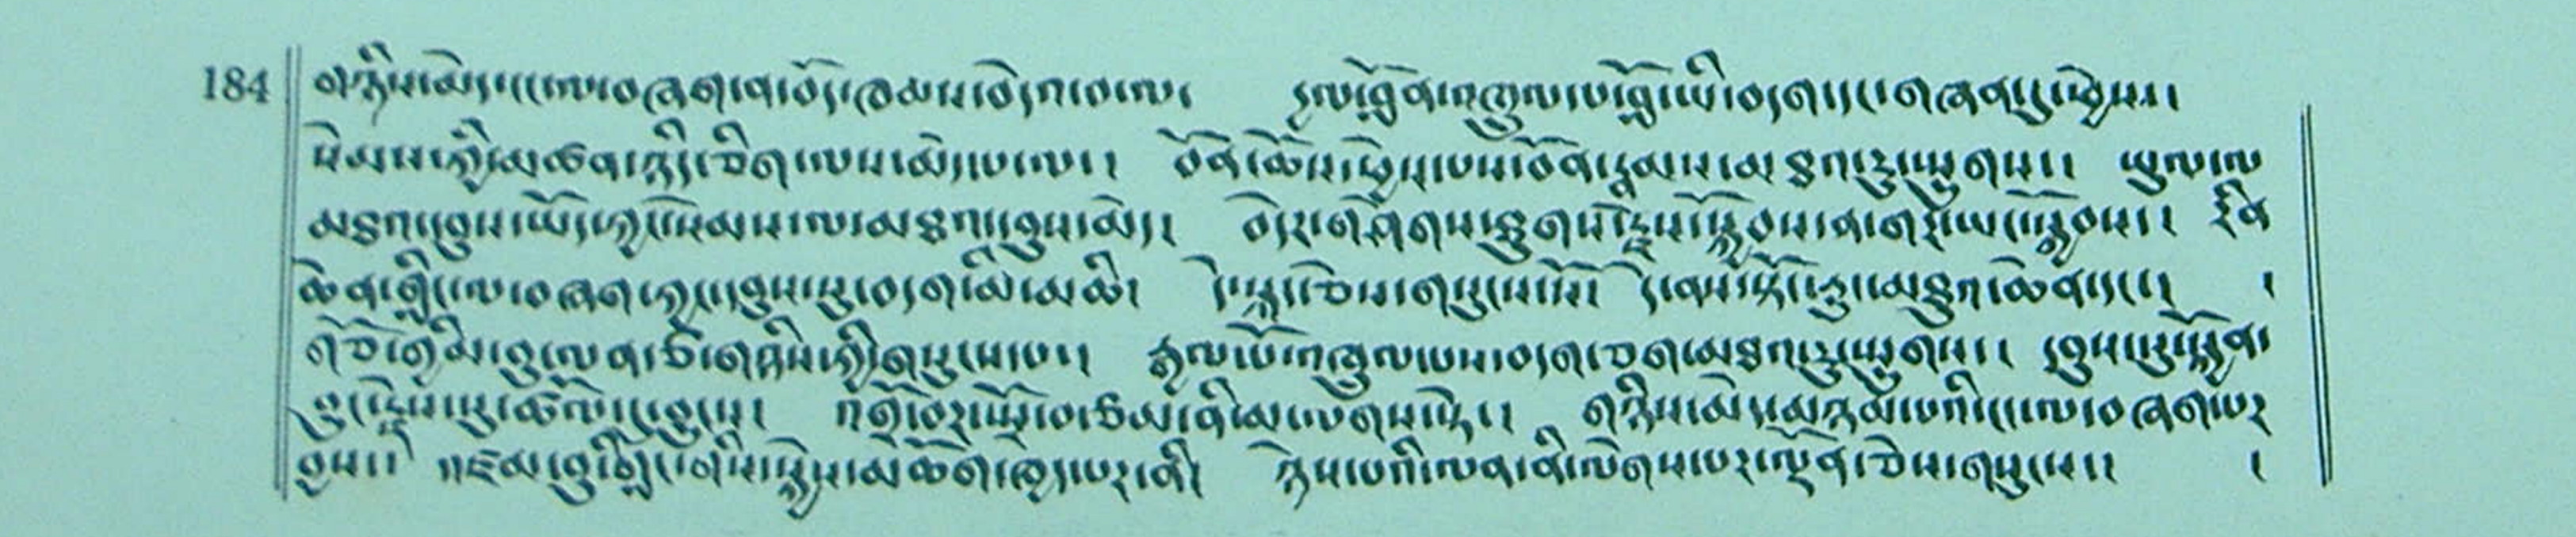གཉིས་མེད་ངང་ལ་བཞག་ན་བོད་ཁམས་བདེའ་བ་ལ། རྒྱལ་བློན་འཁྲུལ་བ་བློ་ཡི་བདག་དང་གཞན་དུ་ཕྱེས། 
སེམས་ཀྱི་མཚན་ཉིད་ཅིག་ལས་མེད་པ་ལ། བོན་ཆོས་ཕྱེས་པས་བོན་རྣམས་མཐའ་རུ་སྤྱུགས། ཡུལ་ལ་
མཐའ་དབུས་ཡོད་ཀྱང་སེམས་ལ་མཐའ་དབུས་མེད། བདེར་གཤེགས་ཐུགས་རྗེ་སྐྱོབས་ན་གར་ཡང་སྐྱོབས། རིན་
ཆེན་གླིང་ལ་བཞག་ཀྱང་དབུས་སུ་བདག་མི་མཆི། དེ་སྐད་ཅེས་གསུངས་སོ། དེ་ནས་སྟོང་རྒྱུང་མཐུ་ཆེན་དང་
གཅོ་གྱིམ་བུ་ལན་ཙ་གཉིས་ཀྱིས་གསུངས་པ། རྒྱལ་བོ་འཁྲུལ་བས་བདག་ཅག་མཐའ་རུ་སྤྱུགས། དབུས་སུ་སྐྱོན་
བྱུང་རྗེས་སུ་ཚོལ་དུ་བྱུངས། འགྲོ་བར་སྤྲོ་བ་ཙམ་ནི་མ་ལགས་ཏེ། གཉིས་མེད་མཉམ་པའི་ངང་ལ་བཞག་པར་
བྱས། འཛམ་བུ་གླིང་གི་སྐྱེས་མཆོག་ཁྱད་པར་ནི། ཉེས་པའི་ལན་ནི་ལེགས་པར་ལྡོན་ཅེས་གསུངས།